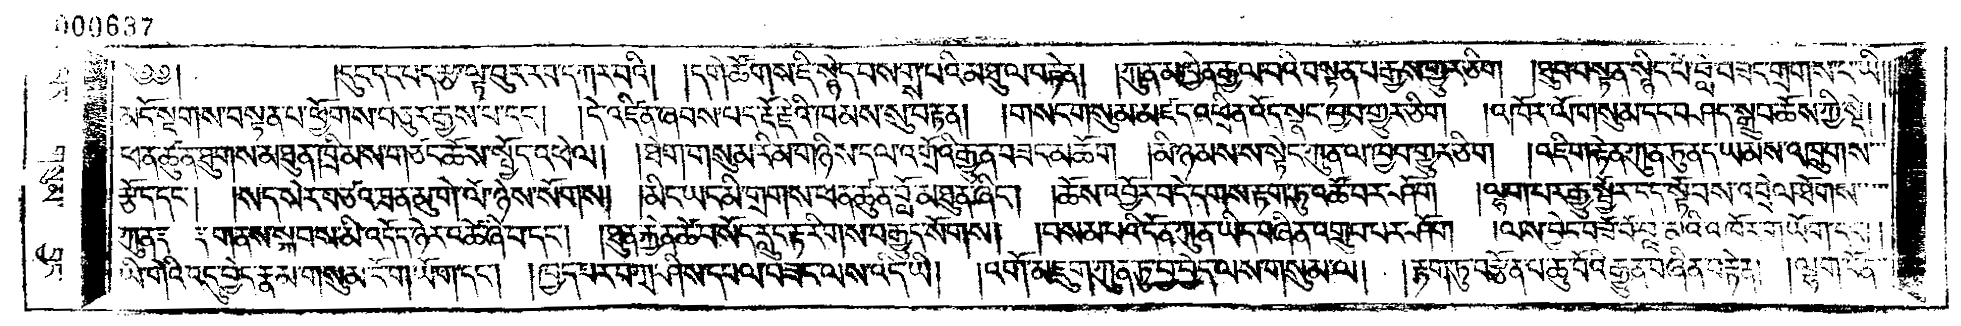༄༅། །དུང་དང་པད་རྩ་ལྟ་བུར་རབ་དཀར་བའི། །དགེ་ཚོགས་ཇི་སྙེད་བསགས་པའི་མཐུ་ལ་བརྟེན། །ཀུན་མཁྱེན་རྒྱལ་བའི་བསྟན་པ་རྒྱས་གྱུར་ཅིག །ཐུབ་བསྟན་སྙིང་པོ་བློ་བཟང་གྲགས་པ་ཡི། །
མདོ་སྔགས་བསྟན་པ་ཕྱོགས་བཅུར་རྒྱས་པ་དང་། །དེ་འཛིན་ཞབས་པད་རྡོ་རྗེའི་ཁམས་སུ་བརྟན། །གསང་གསུམ་མཛད་འཕྲིན་འོད་སྣང་ཁྱབ་གྱུར་ཅིག །འཁོར་ལོ་གསུམ་དང་བཤད་སྒྲུབ་ཆོས་ཀྱི་སྡེ། །
ཕན་ཚུན་ཐུགས་མཐུན་ཁྲིམས་གཙང་ཆོས་སྤྱོད་འཕེལ། །ཐེག་གསུམ་རིམ་གཉིས་དལ་འགྲོའི་རྒྱུན་བཟང་མཆོག །མི་ཉམས་ས་སྟེང་ཀུན་ལ་ཁྱབ་གྱུར་ཅིག །འཇིག་རྟེན་ཀུན་ཏུ་ནད་ཡམས་འཁྲུགས་
རྩོད་དང་། །སད་སེར་བཙའ་ཐན་མུ་གེ་ལོ་ཉེས་སོགས། །མིང་ཡང་མི་གྲགས་ཕན་ཚུན་བློ་མཐུན་ཞིང་། །ཆོས་འབྱོར་བདེ་དགས་རྟག་ཏུ་འཚོ་བར་ཤོག །ལྷག་པར་རྒྱུ་སྦྱོར་དད་སྟོབས་འབྲེལ་ཐོགས་
ཀུན༑ ༑གནས་སྐབས་མི་འདོད་ཉེར་འཚེ་ཞི་བ་དང་། །ཐུན་རྐྱེན་ཚེ་བསོད་རླུང་རྟ་རིགས་བརྒྱུད་སོགས། །བསམ་པའི་དོན་ཀུན་ཡིད་བཞིན་འགྲུབ་པར་ཤོག །ལས་བྱེད་བཟོ་བོ་བླ་མའི་འཁོར་གཡོག་དང་། །
ཡི་གེའི་འདུ་བྱེད་རྣམ་གསུམ་ངོ་གཡོག་དང་། །ཁྱད་པར་བཀྲ་ཤིས་དཔལ་བཟང་ལས་འདི་ཡི། །འགོ་མཇུག་ཀུན་ཏུ་བྱ་བྱེད་ལས་གསུམ་ལ། །རྟག་ཏུ་བརྩོན་པ་ཆུ་བོའི་རྒྱུན་བཞིན་བརྟེན། །ལྷག་དོན་